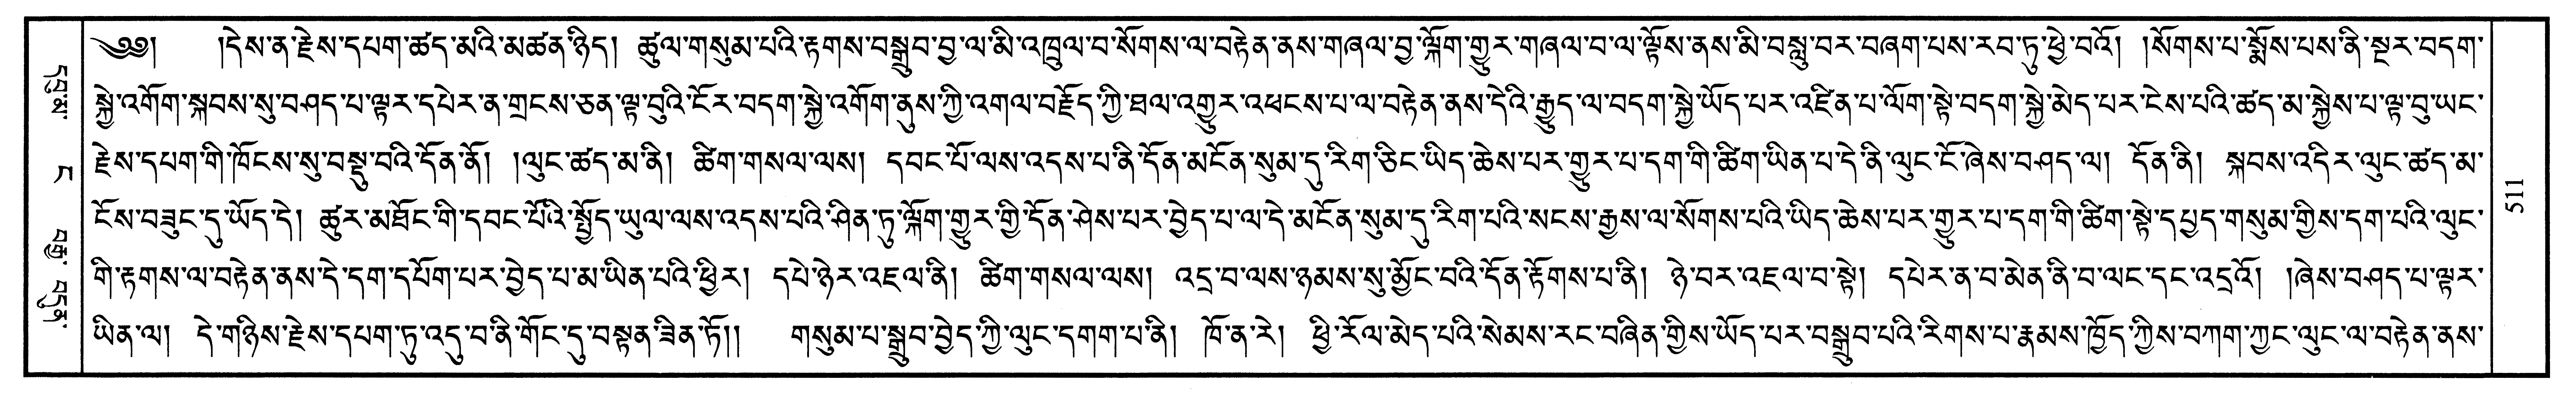༄༅། །དེས་ན་རྗེས་དཔག་ཚད་མའི་མཚན་ཉིད། ཚུལ་གསུམ་པའི་རྟགས་བསྒྲུབ་བྱ་ལ་མི་འཁྲུལ་བ་སོགས་ལ་བརྟེན་ནས་གཞལ་བྱ་ལྐོག་གྱུར་གཞལ་བ་ལ་ལྟོས་ནས་མི་བསླུ་བར་བཞག་པས་རབ་ཏུ་ཕྱེ་བའོ། །སོགས་པ་སྨོས་པས་ནི་སྔར་བདག་
སྐྱེ་འགོག་སྐབས་སུ་བཤད་པ་ལྟར་དཔེར་ན་གྲངས་ཅན་ལྟ་བུའི་ངོར་བདག་སྐྱེ་འགོག་ནུས་ཀྱི་འགལ་བརྗོད་ཀྱི་ཐལ་འགྱུར་འཕངས་པ་ལ་བརྟེན་ནས་དེའི་རྒྱུད་ལ་བདག་སྐྱེ་ཡོད་པར་འཛིན་པ་ལོག་སྟེ་བདག་སྐྱེ་མེད་པར་ངེས་པའི་ཚད་མ་སྐྱེས་པ་ལྟ་བུ་ཡང་
རྗེས་དཔག་གི་ཁོངས་སུ་བསྡུ་བའི་དོན་ནོ། །ལུང་ཚད་མ་ནི། ཚིག་གསལ་ལས། དབང་པོ་ལས་འདས་པ་ནི་དོན་མངོན་སུམ་དུ་རིག་ཅིང་ཡིད་ཆེས་པར་གྱུར་པ་དག་གི་ཚིག་ཡིན་པ་དེ་ནི་ལུང་ངོ་ཞེས་བཤད་ལ། དོན་ནི། སྐབས་འདིར་ལུང་ཚད་མ་
ངོས་བཟུང་དུ་ཡོད་དེ། ཚུར་མཐོང་གི་དབང་པོའི་སྤྱོད་ཡུལ་ལས་འདས་པའི་ཤིན་ཏུ་ལྐོག་གྱུར་གྱི་དོན་ཤེས་པར་བྱེད་པ་ལ་དེ་མངོན་སུམ་དུ་རིག་པའི་སངས་རྒྱས་ལ་སོགས་པའི་ཡིད་ཆེས་པར་གྱུར་པ་དག་གི་ཚིག་སྟེ་དཔྱད་གསུམ་གྱིས་དག་པའི་ལུང་
གི་རྟགས་ལ་བརྟེན་ནས་དེ་དག་དཔོག་པར་བྱེད་པ་མ་ཡིན་པའི་ཕྱིར། དཔེ་ཉེར་འཇལ་ནི། ཚིག་གསལ་ལས། འདྲ་བ་ལས་ཉམས་སུ་མྱོང་བའི་དོན་རྟོགས་པ་ནི། ཉེ་བར་འཇལ་བ་སྟེ། དཔེར་ན་བ་མེན་ནི་བ་ལང་དང་འདྲའོ། །ཞེས་བཤད་པ་ལྟར་
ཡིན་ལ། དེ་གཉིས་རྗེས་དཔག་ཏུ་འདུ་བ་ནི་གོང་དུ་བསྟན་ཟིན་ཏོ།། གསུམ་པ་སྒྲུབ་བྱེད་ཀྱི་ལུང་དགག་པ་ནི། ཁོ་ན་རེ། ཕྱི་རོལ་མེད་པའི་སེམས་རང་བཞིན་གྱིས་ཡོད་པར་བསྒྲུབ་པའི་རིགས་པ་རྣམས་ཁྱོད་ཀྱིས་བཀག་ཀྱང་ལུང་ལ་བརྟེན་ནས་